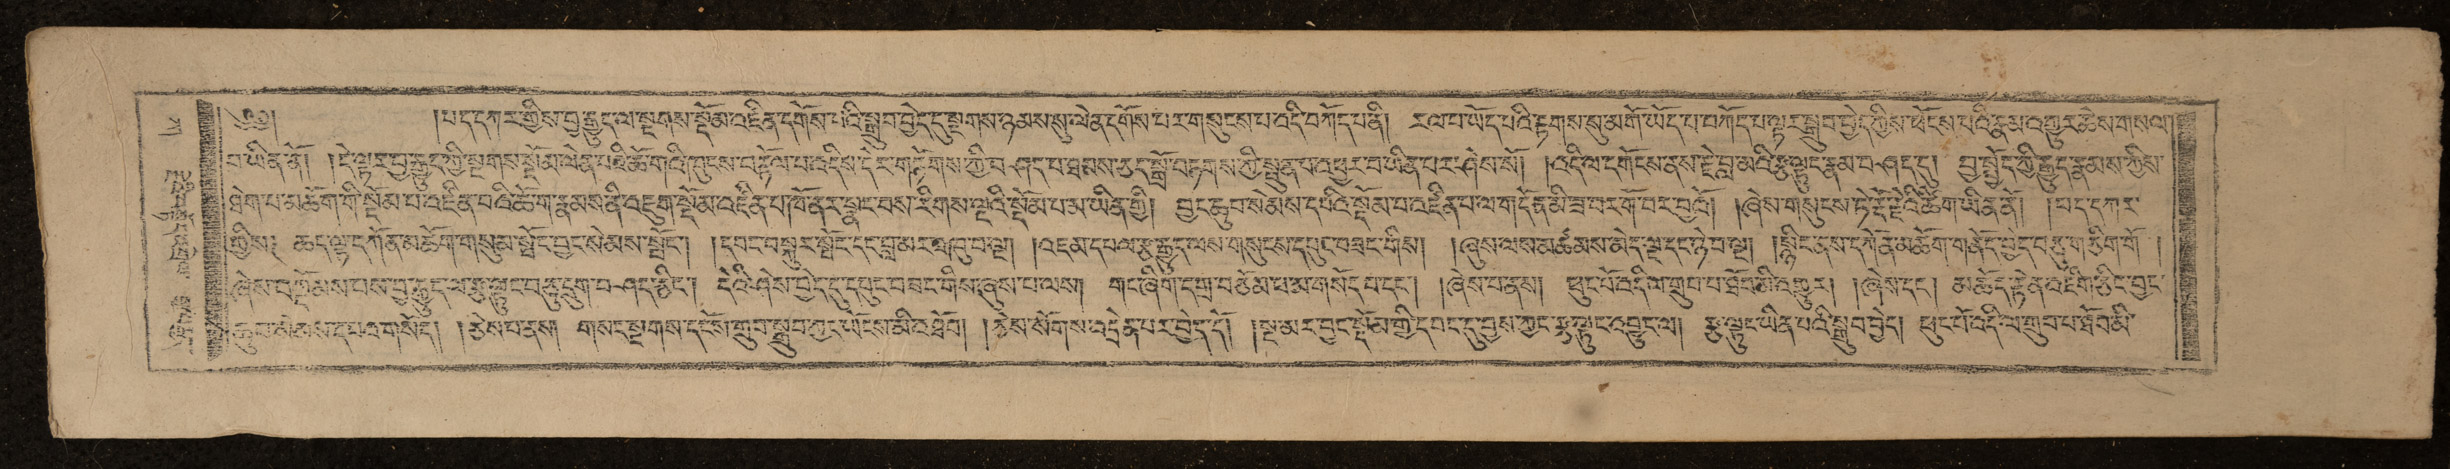༄༅། །པད་དཀར་གྱིས་བྱ་རྒྱུད་ལ་སྔགས་སྡོམ་འཛིན་དགོས་པའི་སྒྲུབ་བྱེད་དུ་སྔགས་ཉམས་སུ་ལེན་དགོས་པར་གསུངས་པ་འདི་བཀོད་པ་ནི། རལ་པ་ཡོད་པའི་རྟགས་སུ་མགོ་ཡོད་པ་བཀོད་པ་ལྟར་སྒྲུབ་བྱེད་ཀྱིས་ཡོངས་པའི་རྣམ་འགྱུར་ཆེས་གསལ་
བ་ཡིན་ནོ། །དེ་ལྟར་བྱ་རྒྱུད་ཀྱི་སྔགས་སྡོམ་ལེན་པའི་ཆོ་གའི་ཁུངས་བརྟོལ་བ་འདིས་དེར་གཏོགས་ཀྱི་བཤད་པ་ཐམས་ཅད་སྒྲོ་བཏགས་ཀྱི་སྦུན་པ་འབྱར་བ་ཡིན་པར་ཤེས་སོ། །འདི་ལ་དགོངས་ནས་རྗེ་བླ་མའི་རྩ་ལྟུང་རྣམ་བཤད་དུ། བྱ་སྤྱོད་ཀྱི་རྒྱུད་རྣམས་ཀྱིས་
ཐེག་པ་མཆོག་གི་སྡོམ་པ་འཛིན་པའི་ཆོག་རྣམས་ནི་འཇུག་སྡོམ་འཛིན་པ་ཁོ་ནར་སྣང་བས་རིགས་ལྔའི་སྡོམ་པམ་ཡིན་གྱི། བྱང་ཆུབ་སེམས་དཔའི་སྡོམ་པ་འཛིན་པ་ལ་གདོན་མི་ཟ་བར་གོ་བར་བྱའོ། །ཞེས་གསུངས་ཏེ་རྡོ་རྗེའི་ཚིག་ཡིན་ནོ། །པད་དཀར་
གྱིས༑ ཆད་ལྟ་དཀོན་མཆོག་གསུམ་སྤོང་བྱང་སེམས་སྤོང་། །དབང་བསྐུར་སྤོང་དང་བླ་མར་འཁུ་བ་ལྔ། །འཇམ་དཔལ་རྩ་རྒྱུད་ལས་གསུངས་དཔུང་བཟང་གིས། །ཞུས་ལས་མཚམས་མེད་ལྔ་དང་ཉེ་བ་ལྔ། །སྙིང་ནས་དཀོན་མཆོག་གནོད་བྱེད་བཅུ་གཅིག་གོ།
ཞེས་བསྡོམས་པས་བྱ་རྒྱུད་ལ་རྩ་ལྟུང་བཅུ་དྲུག་བཤད་ཅིང་། དེའི་ཤེས་བྱེད་དུ་དཔུང་བཟང་གིས་ཞུས་པ་ལས། གང་ཞིག་དགྲ་བཅོམ་ཕམ་གསོད་པ་དང་། །ཞེས་པ་ནས། ཕུང་པོ་འདི་ལ་གྲུབ་པ་ཐོབ་མི་འགྱུར། །ཞེས་དང་། མཆོད་རྟེན་འཇིག་ཅིང་བྱང་
ཆུབ་སེམས་དཔའ་གསོད། །ཅེས་པ་ནས། གསང་སྔགས་དངོས་གྲུབ་སྒྲུབ་ཀྱང་ཡོངས་མི་འཐོབ། །ཅེས་སོགས་འདྲེན་པར་བྱེད་དོ། །སྔ་མར་བྱང་སྡོམ་གྱི་དབང་དུ་བྱས་ཀྱང་རྩ་ལྟུང་འབྱུང་ལ། རྩ་ལྟུང་ཡིན་པའི་སྒྲུབ་བྱེད། ཕུང་པོ་འདི་ལ་གྲུབ་པ་ཐོབ་མི་